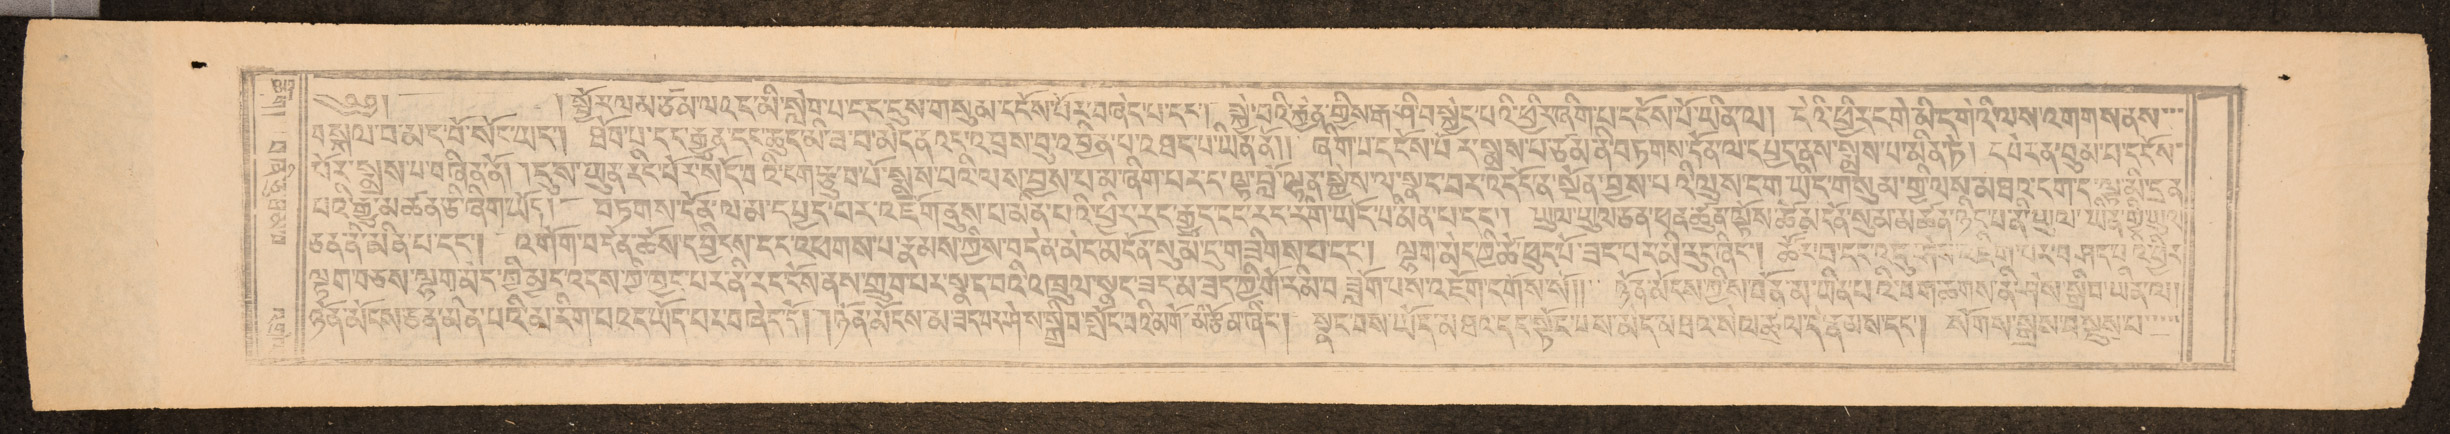༄༅། །སྦྱོར་ལམ་ཙམ་ལའང་མི་སླེབ་པ་དང་དུས་གསུམ་དངོས་པོར་བཞེད་པ་དང་། སྐྱེ་བའི་རྐྱེན་གྱིས་རྒ་ཤི་བ་སྐྱེད་པའི་ཕྱིར་ཞིག་པ་དངོས་པོ་ཡིན་ལ། དེའི་ཕྱིར་དགེ་མི་དགེའི་ལས་འགགས་ནས་
བསྐལ་བ་མང་པོ་སོང་ཡང་། ཐོབ་པ་དང་རྒྱུན་དང་ཆུད་མི་ཟ་བ་མེད་ནའང་འབྲས་བུ་འབྱིན་པ་འཐད་པ་ཡིན་ནོ།། ཞིག་པ་དངོས་པོར་སྨྲས་པ་ཙམ་ནི་བཏགས་དོན་ལ་དཔྱད་ནས་སྨྲས་པ་མིན་ཏེ། དཔེར་ན་བུམ་པ་དངོས་
པོར་སྨྲས་པ་བཞིན་ནོ། །དུས་ཡུན་རིང་པོར་སོང་བའི་ངག་རྩུབ་པོ་སྨྲས་པའི་ལས་བྱས་པ་མ་ཞིག་པར་ད་ལྟ་བློ་ལྷན་སྐྱེས་ལ་སྣང་བར་འདོད་ན་སྔོན་བྱས་པའི་ལུས་ངག་ཡིད་གསུམ་གྱི་ལས་མཐའ་དག་ད་ལྟ་མི་དྲན་
པའི་རྒྱུ་མཚན་ཅི་ཞིག་ཡོད། བཏགས་དོན་ལ་མ་དཔྱད་པར་འཇོག་ནུས་པ་མིན་པའི་ཕྱིར་རང་རྒྱུད་དང་རང་རིག་ཡོད་པ་མིན་པ་དང་། ཡུལ་ཡུལ་ཅན་ཕན་ཚུན་ལྟོས་ཚེ་མངོན་སུམ་མཚན་ཉིད་པ་ནི་ཡུལ་ཡིན་གྱི་ཡུལ་
ཅན་ནི་མིན་པ་དང་། འགོག་བདེན་ཆོས་དབྱིངས་དང་འཕགས་པ་རྣམས་ཀྱིས་བདེན་མེད་མངོན་སུམ་དུ་གཟིགས་པ་དང་། ལྷག་མེད་ཀྱི་ཚེ་ཕུང་པོ་ཟད་པར་མི་རུང་ཞིང་། ཚོར་བ་དང་འདུ་ཤེས་འཇིག་པར་བཤད་པའི་ཕྱིར་
ལྷག་བཅས་ལྷག་མེད་ཀྱི་མྱང་འདས་ཀྱི་ཁྱད་པར་ནི་རང་ངོས་ནས་གྲུབ་པར་སྣང་བའི་འཁྲུལ་སྣང་ཟད་མ་ཟད་ཀྱི་གོ་རིམ་བཟློག་པས་འཇོག་དགོས་སོ།། ཉོན་མོངས་ཀྱི་ས་བོན་མ་ཡིན་པའི་བག་ཆགས་ནི་ཤེས་སྒྲིབ་ཡིན་ལ།
ཉོན་མོངས་ཅན་མིན་པའི་མ་རིག་པའང་ཡོད་པར་བཞེད་དོ། །ཉོན་མོངས་མ་ཟད་པར་ཤེས་སྒྲིབ་སྤོང་བའི་མགོ་མི་རྩོམ་ཞིང་། སྣང་བས་ཡོད་མཐའ་དང་སྟོང་པས་མེད་མཐའ་སེལ་ཚུལ་དེ་རྣམས་དང་། སོགས་སྒྲས་བསྡུས་པ་